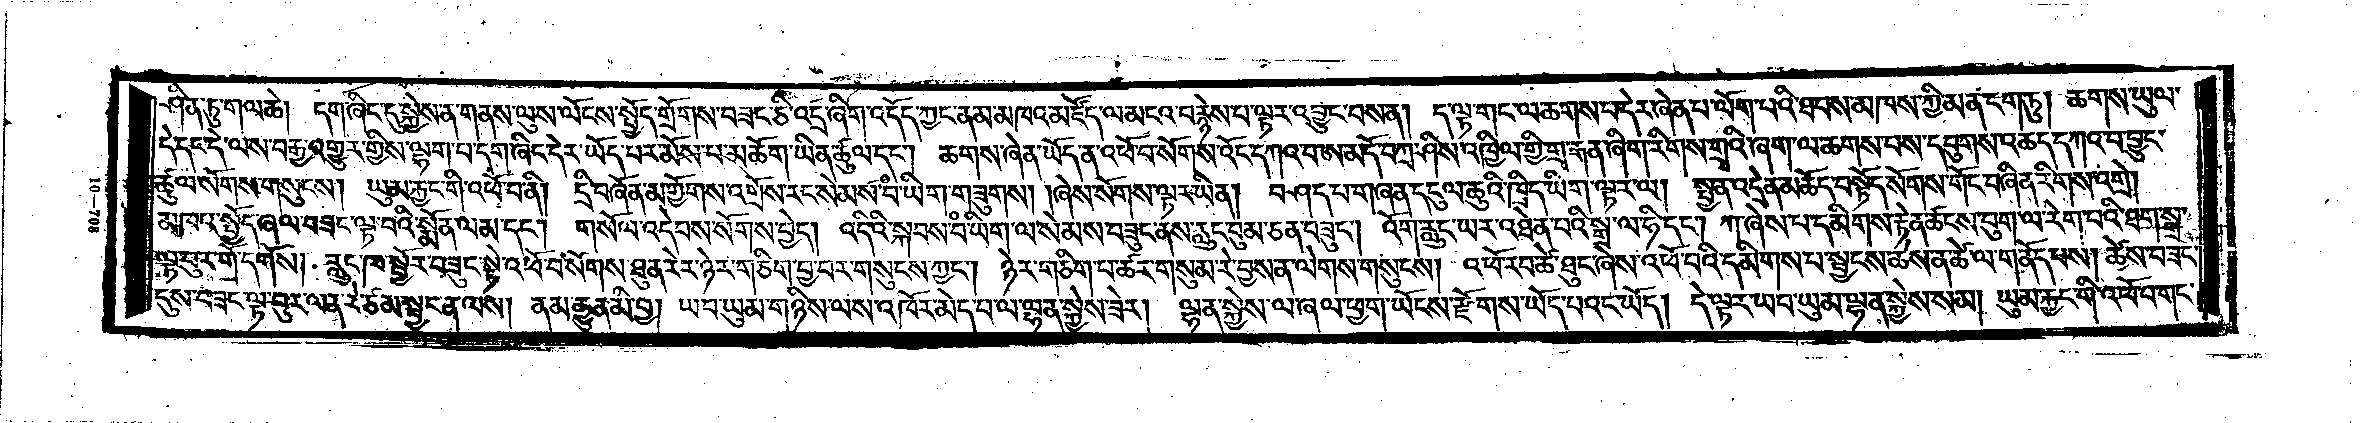ཤིན་ཏུ་གལ་ཆེ། དག་ཞིང་དུ་སྐྱེས་ན་གནས་ལུས་ལོངས་སྤྱོད་གྲོགས་བཟང་ཅི་འདྲ་ཞིག་འདོད་ཀྱང་ནམ་མཁའ་མཛོད་ལ་མངའ་བརྙེས་པ་ལྟར་འབྱུང་བས་ན། ད་ལྟ་གང་ལ་ཆགས་པ་དེར་ཞེན་པ་ལོག་པའི་ཐབས་མཁས་ཀྱི་མན་ངག་ཏུ། ཆགས་ཡུལ་
དེ་དང་དེ་ལས་བརྒྱ་འགྱུར་གྱིས་ལྷག་པ་དག་ཞིང་དེར་ཡོད་པར་མོས་པ་མཆོག་ཡིན་ཚུལ་དང་། ཆགས་ཞེན་ཡོད་ན་འཕོ་བ་སོགས་འོད་དཀའ་བ་ཨ་མདོ་བཀྲ་ཤིས་འཁྱིལ་གྱི་གྲྭ་རྒན་ཞིག་རིགས་གྲྭའི་ཞག་ལ་ཆགས་པས་དབུགས་འཆད་དཀའ་བ་བྱུང་
ཚུལ་སོགས་གསུངས། ཡུམ་རྐྱང་གི་འཕོ་བ་ནི། དྲི་བཞོན་མགྱོགས་འགྲོས་རང་སེམས་བཾ་ཡིག་གཟུགས། །ཞེས་སོགས་ལྟར་ཡིན། བཤད་པ་གཞན་དངུལ་ཆུའི་ཁྲིད་ཡིག་ལྟར་ལ། སྤྱན་འདྲེན་མཆོད་བསྟོད་སོགས་གོང་བཞིན་རིགས་འགྲེ།
མཁའ་སྤྱོད་ཞལ་བཟང་ལྟ་བའི་སྨོན་ལམ་དང་། གསོལ་འདེབས་སོགས་བྱེད། འདིའི་སྐབས་བཾ་ཡིག་ལ་སེམས་བཟུང་ནས་རླུང་བུམ་ཅན་བཟུང་། འོག་རླུང་ཡར་འཐེན་པའི་སྒྲ་ལ་ཧི་དང་། ཀ་ཞེས་པ་དམིགས་རྟེན་ཚངས་བུག་ལ་རེག་པའི་ཐག་སྒྲ་
ལྟ་བུར་གོ་དགོས། རླུང་ཁ་སྦྱོར་བཟུང་སྟེ་འཕོ་བ་སོགས་ཐུན་རེར་ཉེར་གཅིག་བྱ་བར་གསུངས་ཀྱང་། ཉེར་གཅིག་པ་ཚར་གསུམ་རེ་བྱས་ན་ལེགས་གསུངས། འཕོ་རབ་ཚེ་ཐུང་ཞེས་འཕོ་བའི་དམིགས་པ་སྦྱངས་ཆེས་ན་ཚེ་ལ་གནོད་པས། ཚེས་བཟང་
དུས་བཟང་ལྟ་བུར་ལན་རེ་ཙམ་སྦྱང་ན་ལས། ནམ་རྒྱུན་མི་བྱ། ཡབ་ཡུམ་གཉིས་ལས་འཁོར་མེད་པ་ལ་ལྷན་སྐྱེས་ཟེར། ལྷན་སྐྱེས་ལ་ཞལ་ཕྱག་ཡོངས་རྫོགས་ཡོད་པའང་ཡོད། དེ་ལྟར་ཡབ་ཡུམ་ལྷན་སྐྱེས་སམ། ཡུམ་རྐྱང་གི་འཕོ་བ་གང་